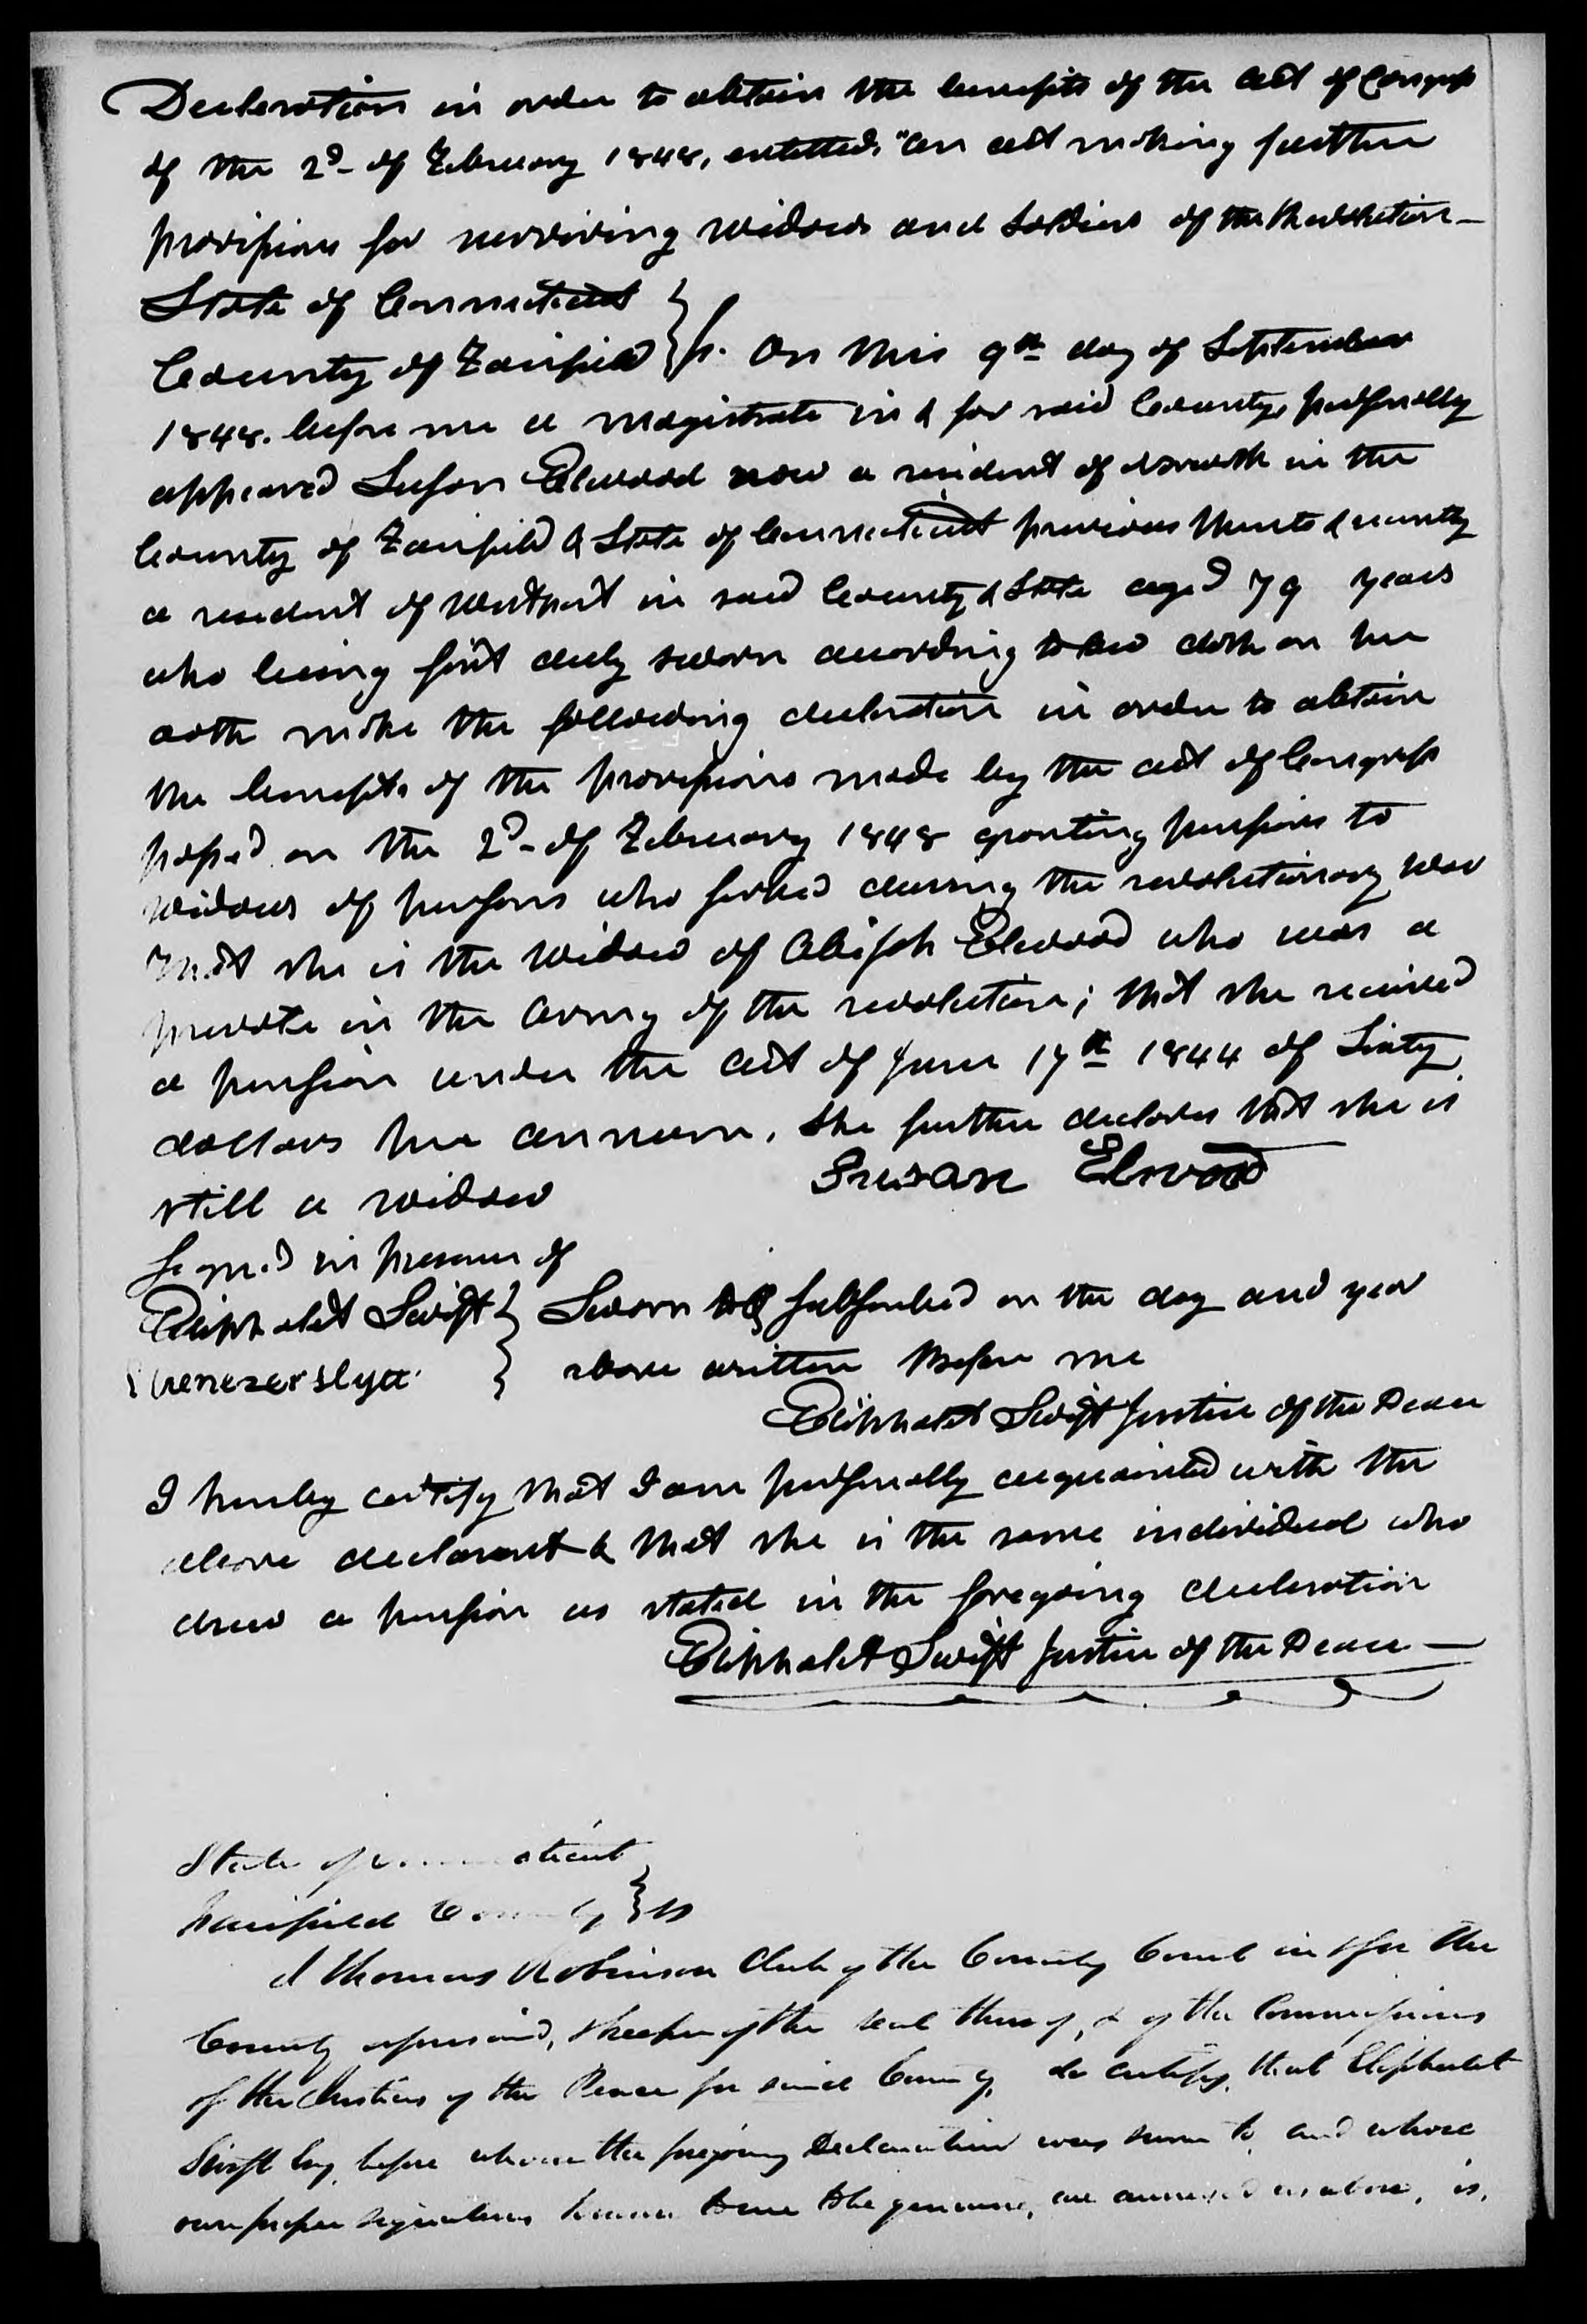Declaration in order to obtain the benefits of the act of Congress on the 2d of Frbruary 1844, entered "an act making further provisions for surviving widows and soldiers of the Revolution"

State of Connecticut
County of Fairfield}ss

Om this 9th day of September 1848 before me a magistrate in & for said County personally appeared Susan Elwood now a resident of [unk] in the county of Fairfield & state of Connecticut previous [unk] county a resident of [unk] & state aged 79 years who being first duly sworn according to law doth on her oath make the following declaration in order to obtain the benefits of her provisions made the act of Congress passed on the 2d of February 1848 granting pensions to widows of[unk] who served during the Revolutionary War that hse is the widow of Abijah Elwood who was a private in the army of the revolution; that she received a pension under the at of June 14th 1844 of thirty dollars per annum. She further declares that she is still a widow.

Susan Elwood

Eliphet Swift
Ebenezer Hytt

Sworn & subscribed on the day and year above written before me Eliphalet Swift Justice of the Peace

I hereby certify that I am personally acquainted with the above declarant & that he is the same individual who drew a pension as stated in the foregoing declaration.

Eliphalet Swift Justice of the Peace

State of Connecticut
Fairfield County}ss

I Thomas Robinson clerk of the County Court in & for the county aforesaid, therefor of the seal thereof & of the Commissions of Justices of the Peace for said County, do certify that Eliphalet Swift Esq before whom the foregoing declaration was sworn to and whose own proper signature [unk] [unk] to be genuine and are [unk], is,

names: Susan Elwood, Eliphalet Swift, Eliphalet Swift, Abijah Elwood, Eliphalet Swift, Thomas Robinson, Ebenezer Hytt, Susan Elwood, Eliphalet Swift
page: 52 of 69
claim: widow's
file: W. 25562, Abijah Elwood, Conn.